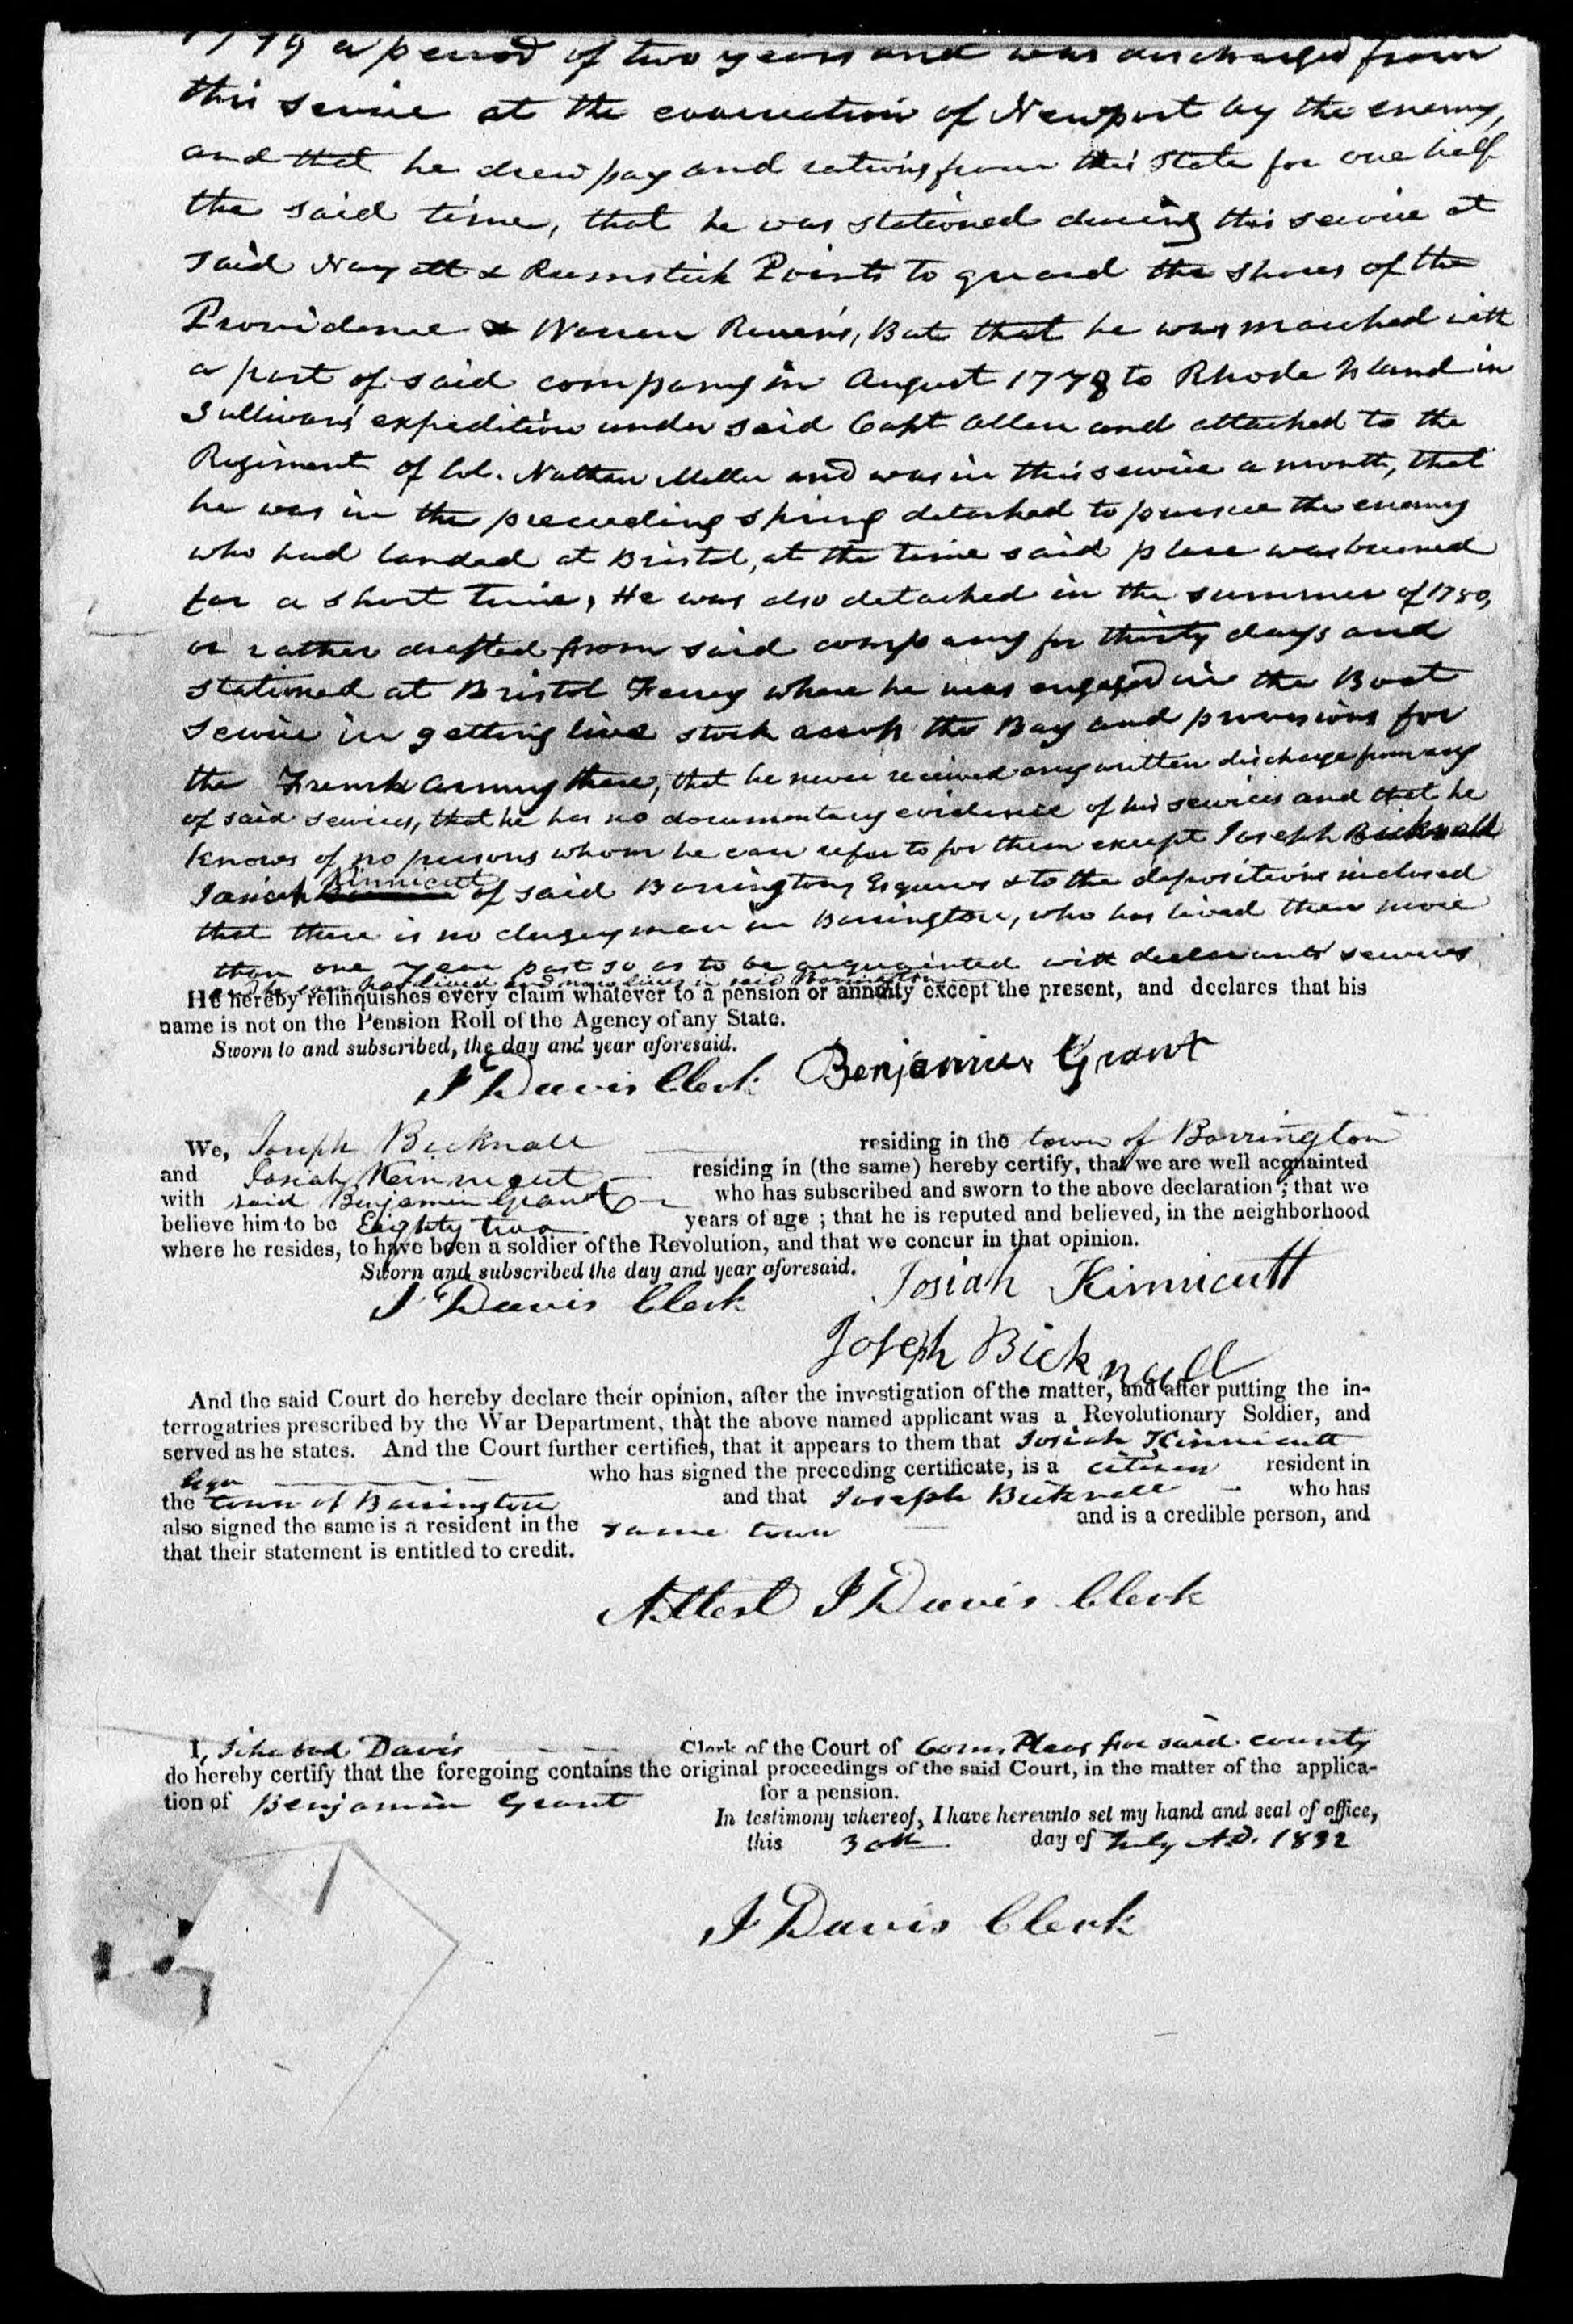1779 a period of two years and was discharged from this service at the evacuation of Newport by the enemy and that he drew pay and rations from this state for one half the said time, that he was stationed during this service at said Nayatt & Rumstick Points to guard the shores of the Providence & Warren Rivers, But that he was marched with a part of said company in August 1778 to Rhode Island in Sullivan's expedition under said Capt Allen and attached to the Regiment of Col. Nathan Miller and was in this service a month, that he was in the preceeding [preceding] spring detached to pursue the enemy who had landed at Bristol, at the time said place was burned for a short time, He was also detached in the summer of 1780, or rather drafted from said company for thirty days and stationed at Bristol Ferry where he was engaged in the Boat service in getting live stock [livestock] across the Bay and provisions for the French Army there, that he never received any written discharge from any of said services, that he has no documentary evidence of his services and that he knows of no persons whom he can refer to for them except Joseph Bicknall Josiah Kinnicut of said Barrington Esquire & to the depositions inclosed [enclosed] that there is no clergyman in Barrington, who has lived there more than one year past so as to be acquainted with declarants [declarant's] services and he even has lived and now lives in said Barrington

He hereby relinquishes every claim whatever to a pension or annuity except the present, and declares that his name is not on the Pension Roll of the Agency of any State.

Sworn to and subscribed, the day and year aforesaid.
I Davis Clerk
Benjamin Grant

We, Joseph Bicknall residing in the town of Barrington and Josiah Kennigut residing in (the same) hereby certify, that we are well acquainted with said Benjamin Grant who has subscribed and sworn to the above declaration; that we believe him to be Eighty two years of age; that he is reputed and believed, in the neighborhood where he resides, to have been a soldier of the Revolution, and that we concur in that opinion.
Sworn to and subscribed the day and year aforesaid.
I Davis Clerk
Josiah Kinnicutt
Joseph Bicknall

And the said Court do hereby declare their opinion, after the investigation of the matter, and after putting the interrogatries prescribed by the War Department, that the above named applicant was a Revolutionary Soldier, and served as he states. And the Court further certifies, that it appears to them that Josiah Kinnicutt Esqr who has signed the preceding certificate, is a citizen resident in the town of Barrington and that Joseph Bicknell who has also signed the same is a resident in the same town and is a credible person, and that their statement is entitled to credit.
Attest I Davis Clerk

I, Ichabod Davis Clerk of the Court of Common Pleas for said county do hereby certify that the foregoing contains the original proceedings of the said Court, in the matter of the application of Benjamin Grant for a pension.
In testimony whereof, I have hereunto set my hand and seal of office, this 30th day of July A.D. 1832
I Davis Clerk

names: I Davis, Josiah Kinnicut, Joseph Bicknall, Benjamin Grant, Benjamin Grant, Nathan Miller, Josiah Kinnicutt, I Davis, Joseph Becknall, I Davis, Allen, Joseph Bicknall, Joseph Bicknall, Josiah Kinnicut, Ichabod Davis, Benjamin Grant, Josiah Kinnicutt, I Davis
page: 5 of 21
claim: survivor's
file: S. 17,446, Benjamin Grant, R.I.